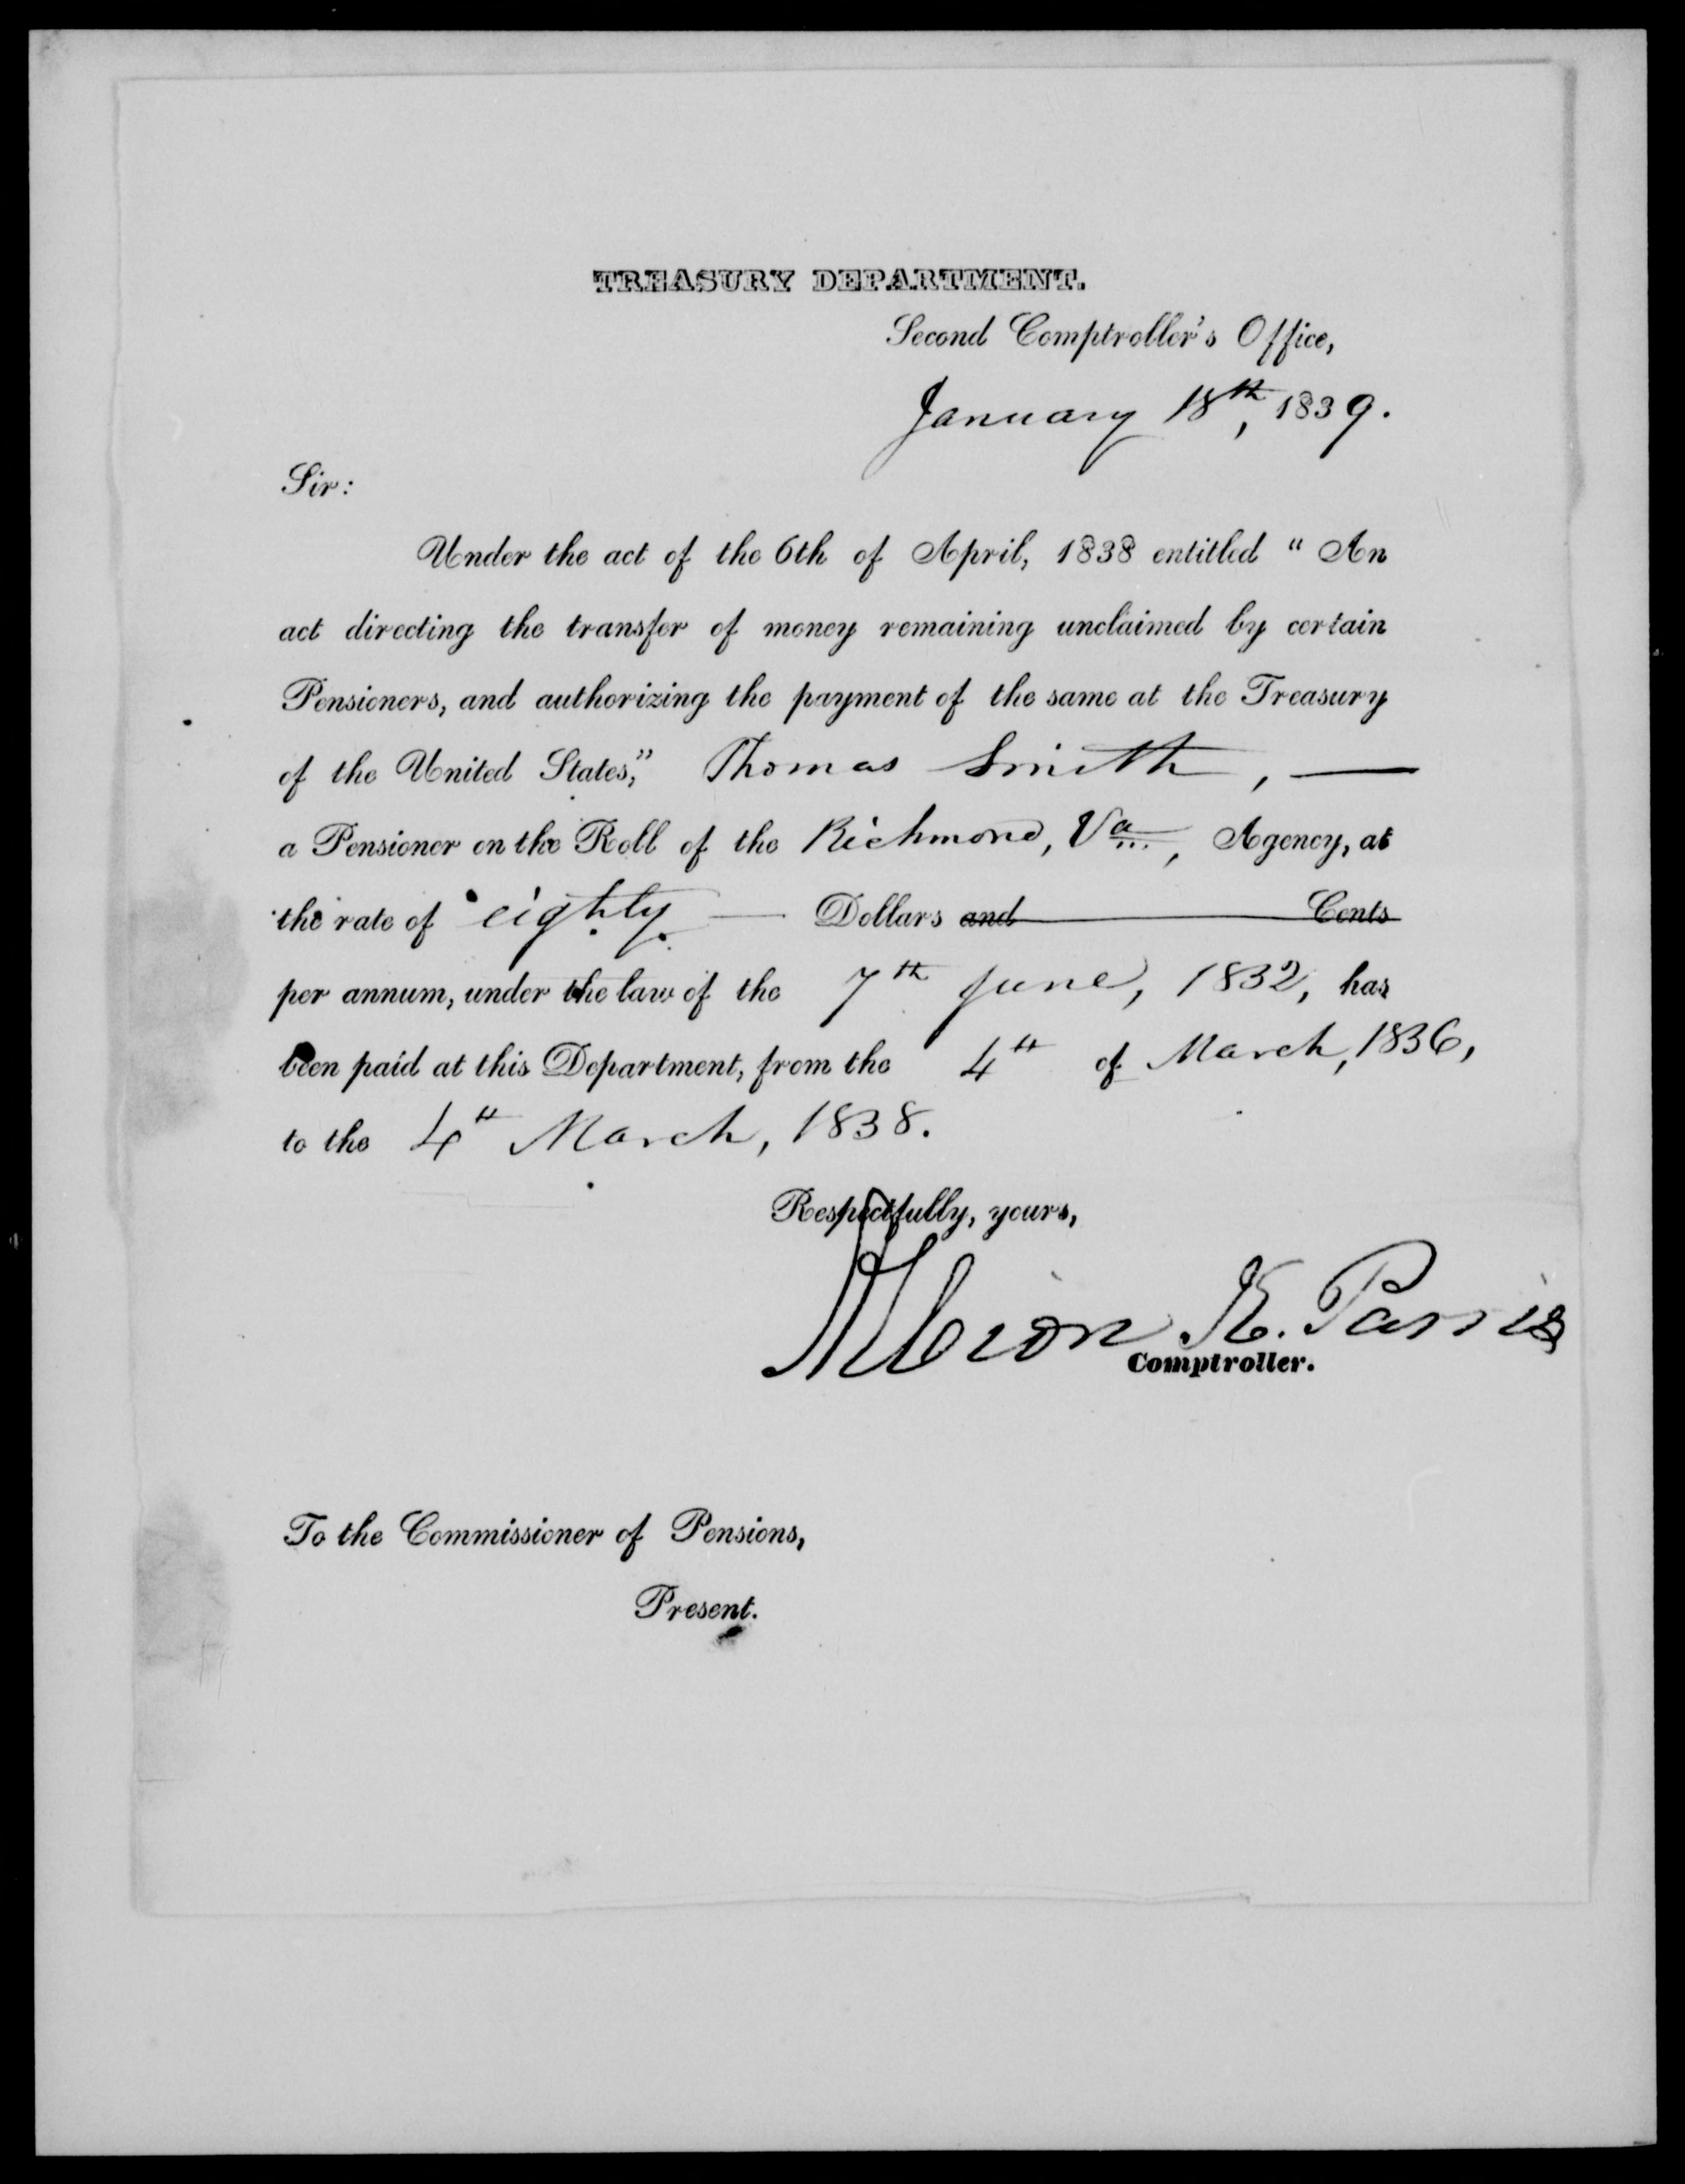TREASURY DEPARTMENT.
Second Comptroller's Office,
January 18th, 1839.

Sir:
Under the act of the 6th of April, 1838 entitled "An act directing the transfer of money remaining unclaimed by certain Pensioners, and authorizing the payment of the same at the Treasury of the United States," Thomas Smith, - a Pensioner on the Roll of the Richmond, Va., Agency, at the rate of eighty - Dollars per annum, under the law of the 7th June, 1832, has been paid at this Department from the 4th of March, 1836, to the 4th March, 1838.
Respectfully, yours,
Albion K. Parris
Comptroller.

To the Commissioner of Pensions,
Present.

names: Albion K Parris; Thomas Smith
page: 15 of 23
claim: survivor's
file: S. 6,125, for Thomas Smith, Virginia